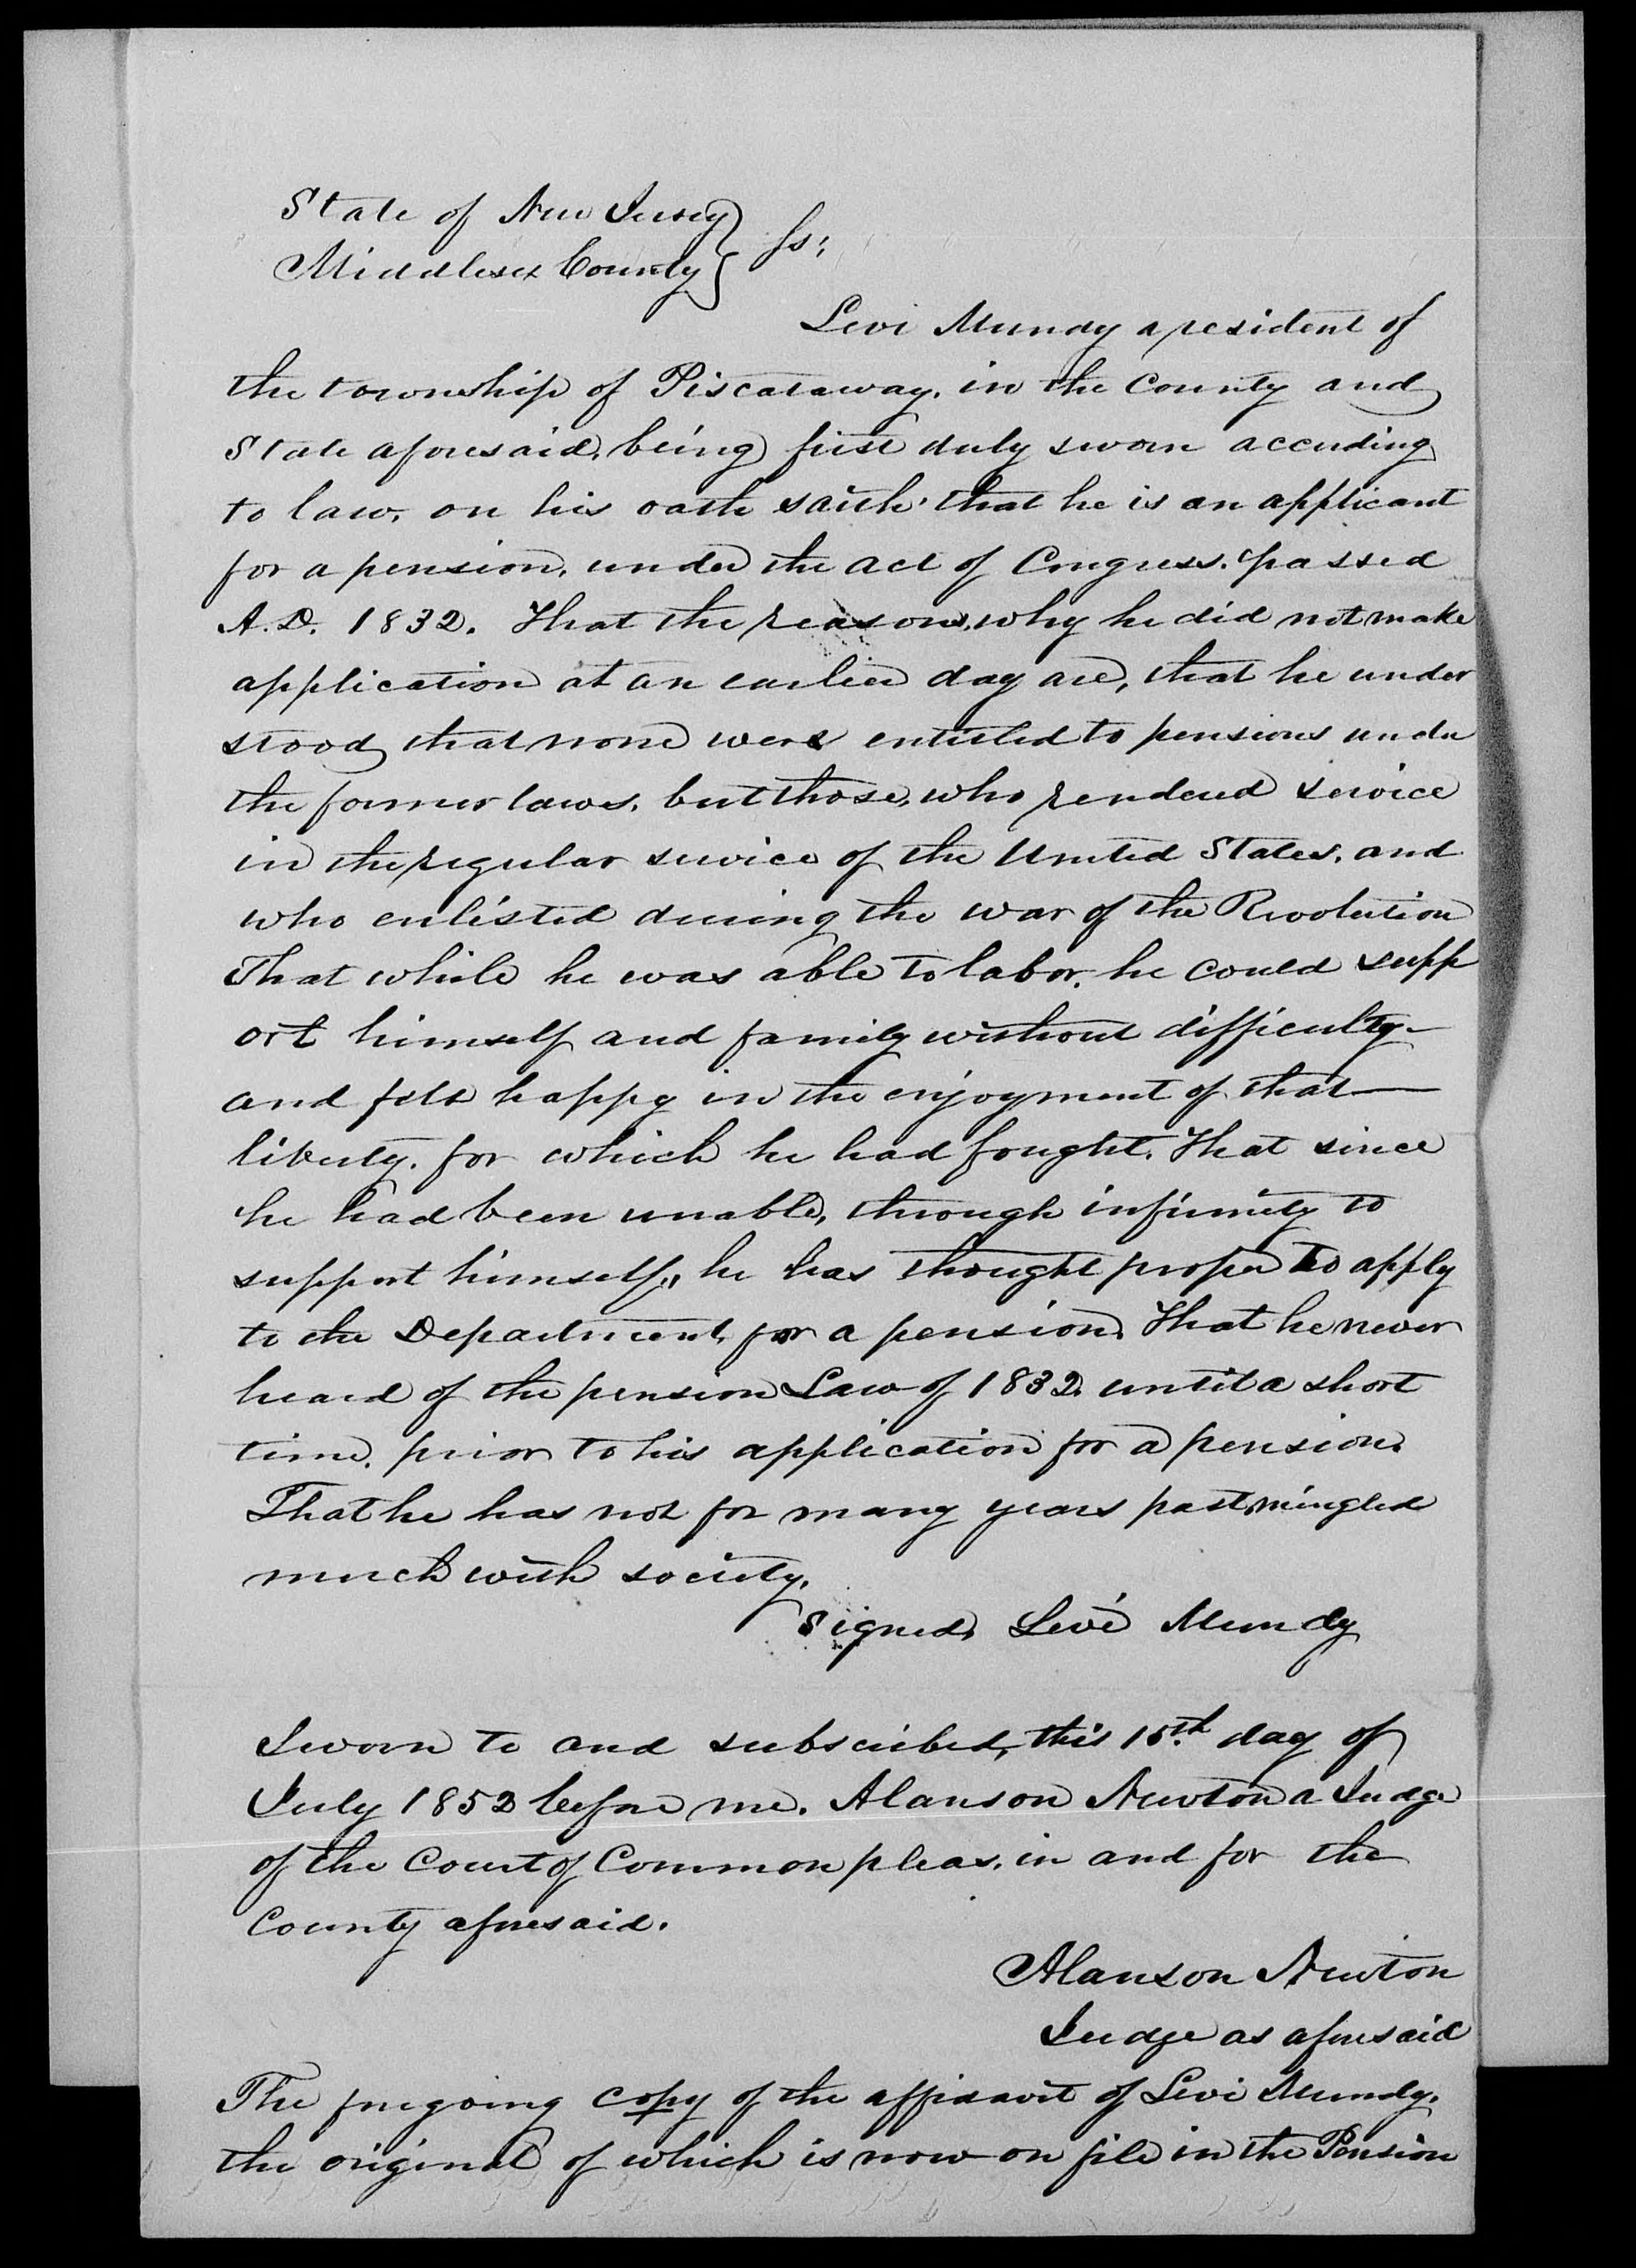State of New Jersey
Middlesex County//

Levi Mundy, a resident of the Township of Piscataway in the County and State aforesaid, being first duly sworn according to law, on his oath saith that he is an applicant for a pension, under the Act of Congress passed A.D. 1832. That the reasons why he did not make application at an earlier day are, that he understood that none were entitled to pensions under the former laws, but those who rendered service in the regular service of the United States, and who enlisted during the War of the Revolution. That while he was able to labor he could support himself and family without difficulty and feels happy in the enjoyment of that liberty for which he had fought. That since he has been unable, through infirmity to support himself, he has thought proper to apply to the department for a pension. That he never heard of the pension law of 1832 until a short time prior to his application for a pension. That he has not for many years past mingled much with society.

Signed, Levi Mundy

Sworn to and subscribed this 15th day of July 1852 before me, Alanson Newton, a Judge of the Court of Common Pleas in and for the County aforesaid.
s/ Alanson Newton, Judge as aforesaid.

The foregoing copy of the affidavit of Levi Mundy, the original of which is now on file in the Pension...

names: Alanson Newton; Levi Mundy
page: 80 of 95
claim: survivor's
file: S 2889, for Levi Mundy, New Jersey